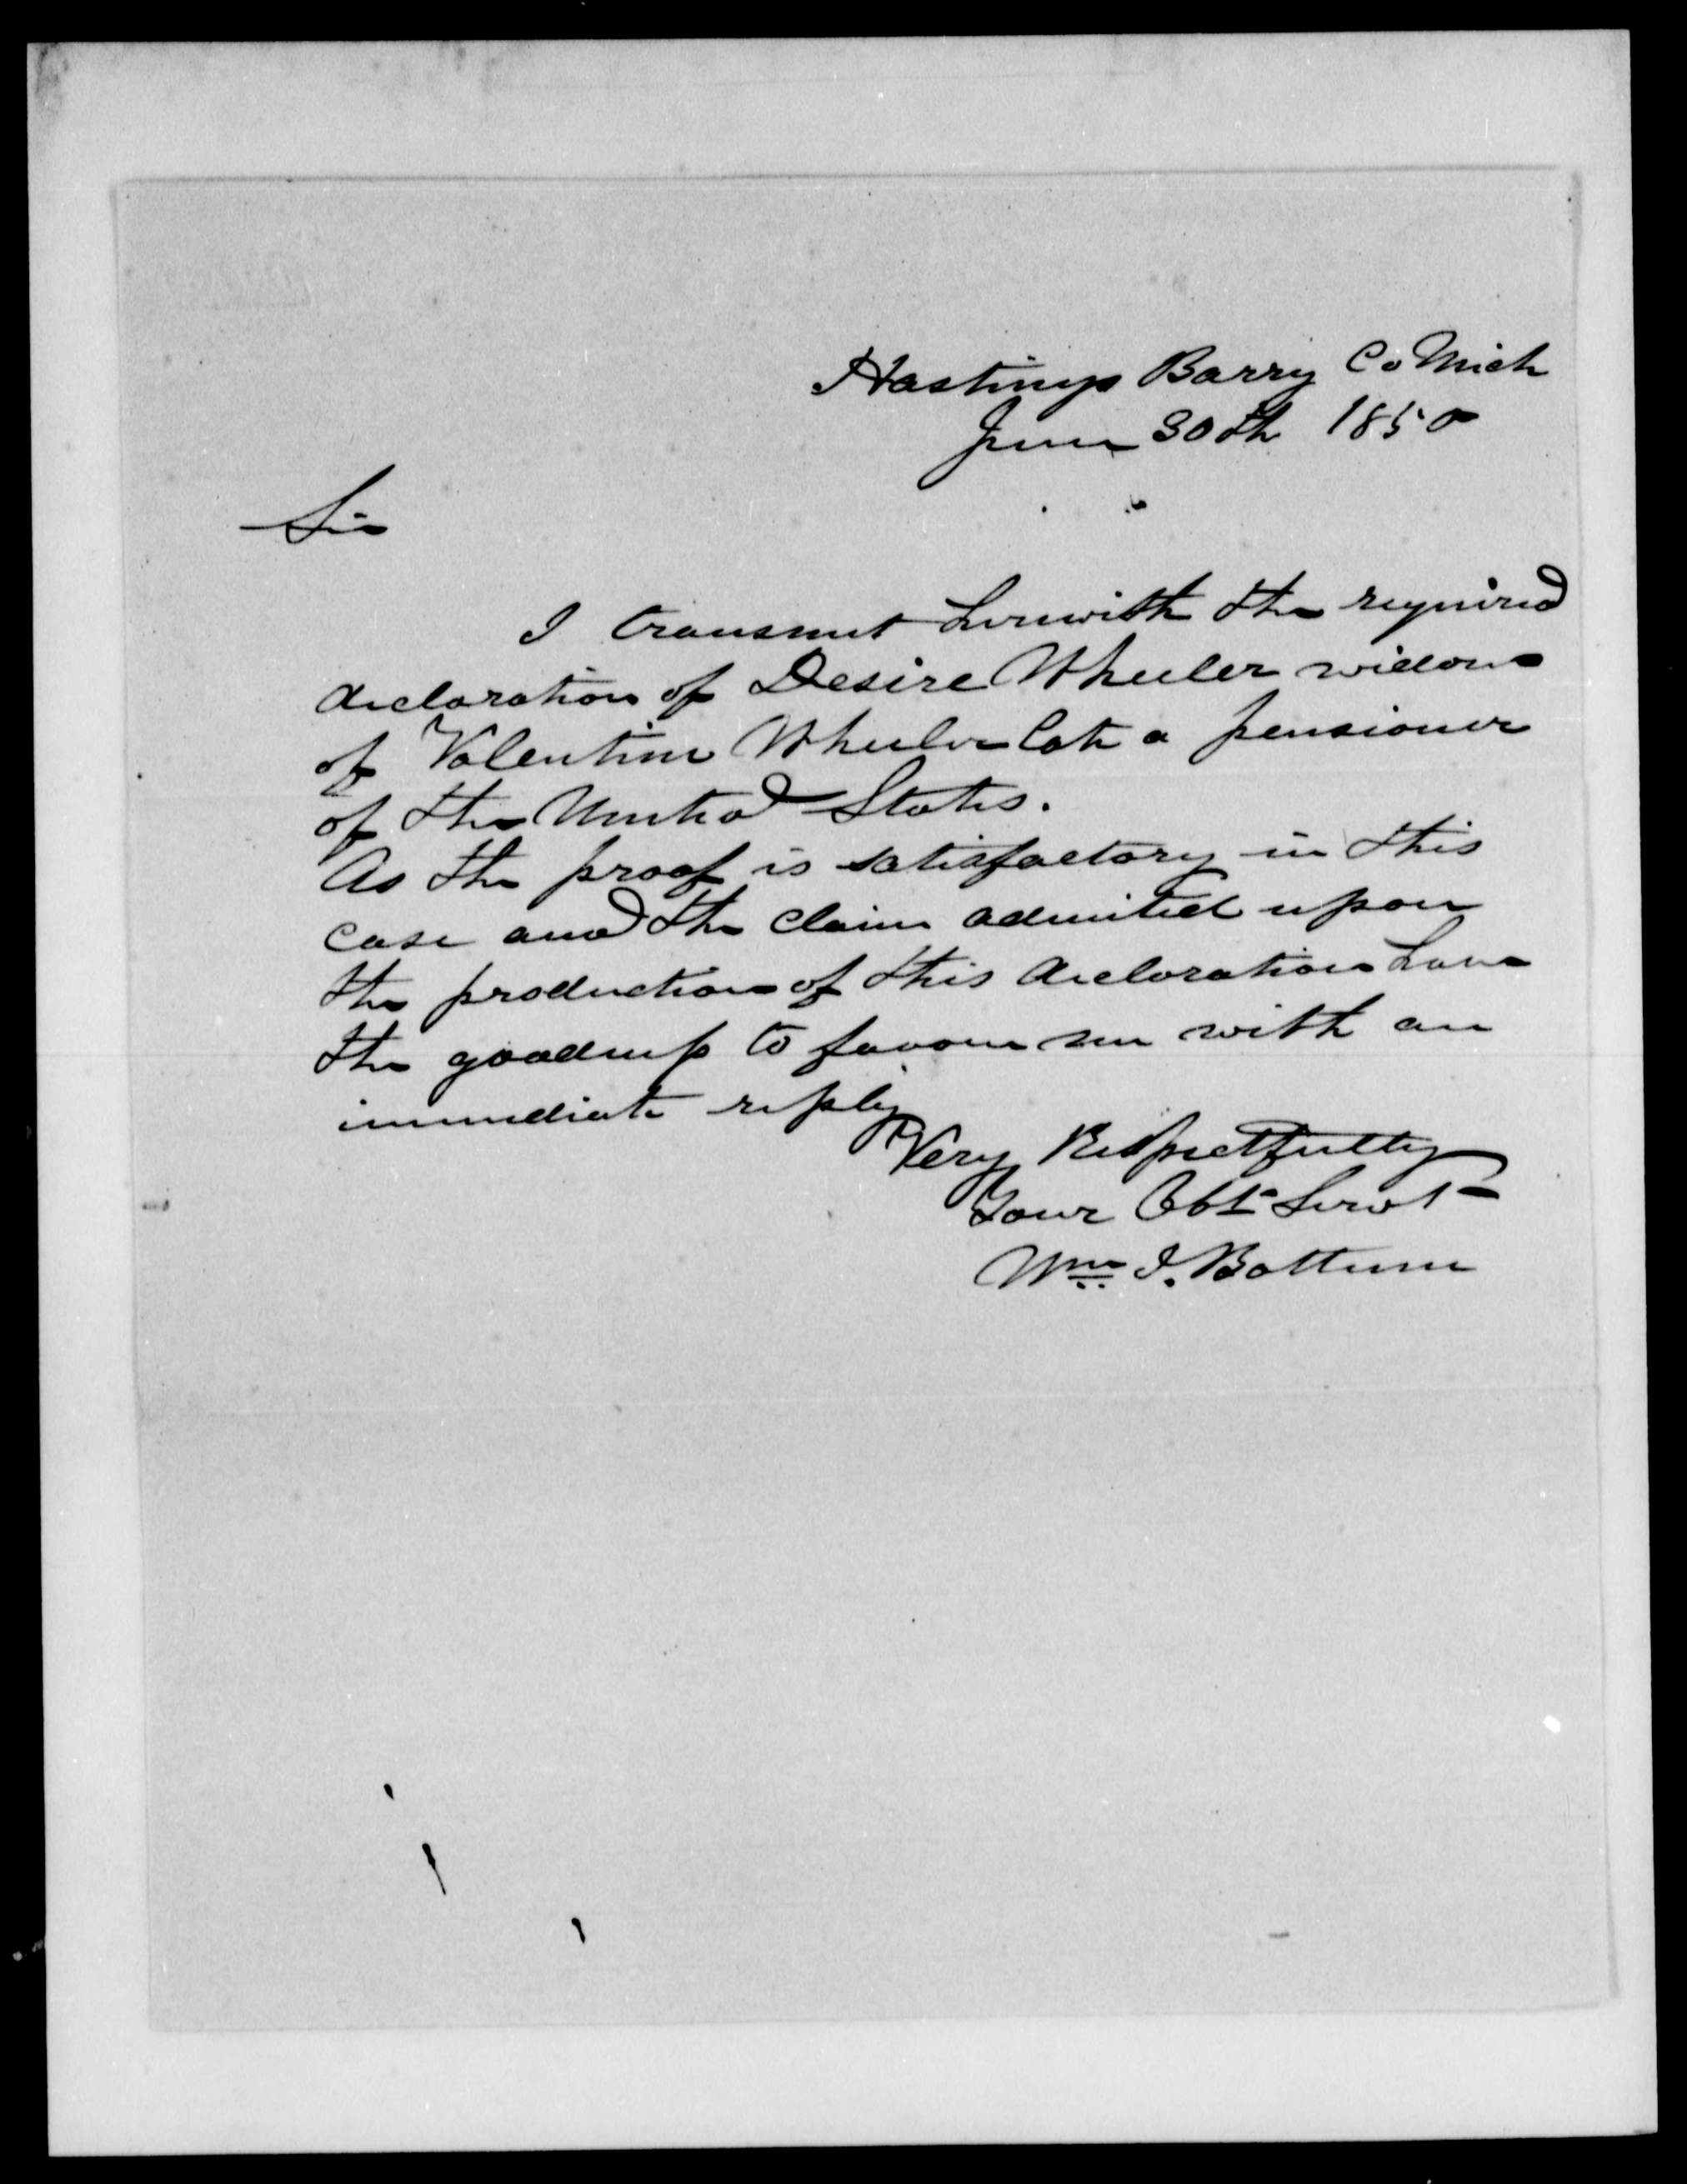Hastings Barry Co. Mich.
June 30th 1850

Sir
I transmit herewith the required declaration of Desire Wheeler widow of Valentine Wheeler late a pensioner of the United States,
As the proof is satisfactory in this case and the claim admitted upon the production of this declaration have the goodness to favour me with an immediate reply.
Very Respectfully
Your obt. servt.
Wm. J. Bottum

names: Wm J Bottum, Desire Wheeler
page: 64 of 98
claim: widow's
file: W. 1682, Valentine Wheeler, Mass.